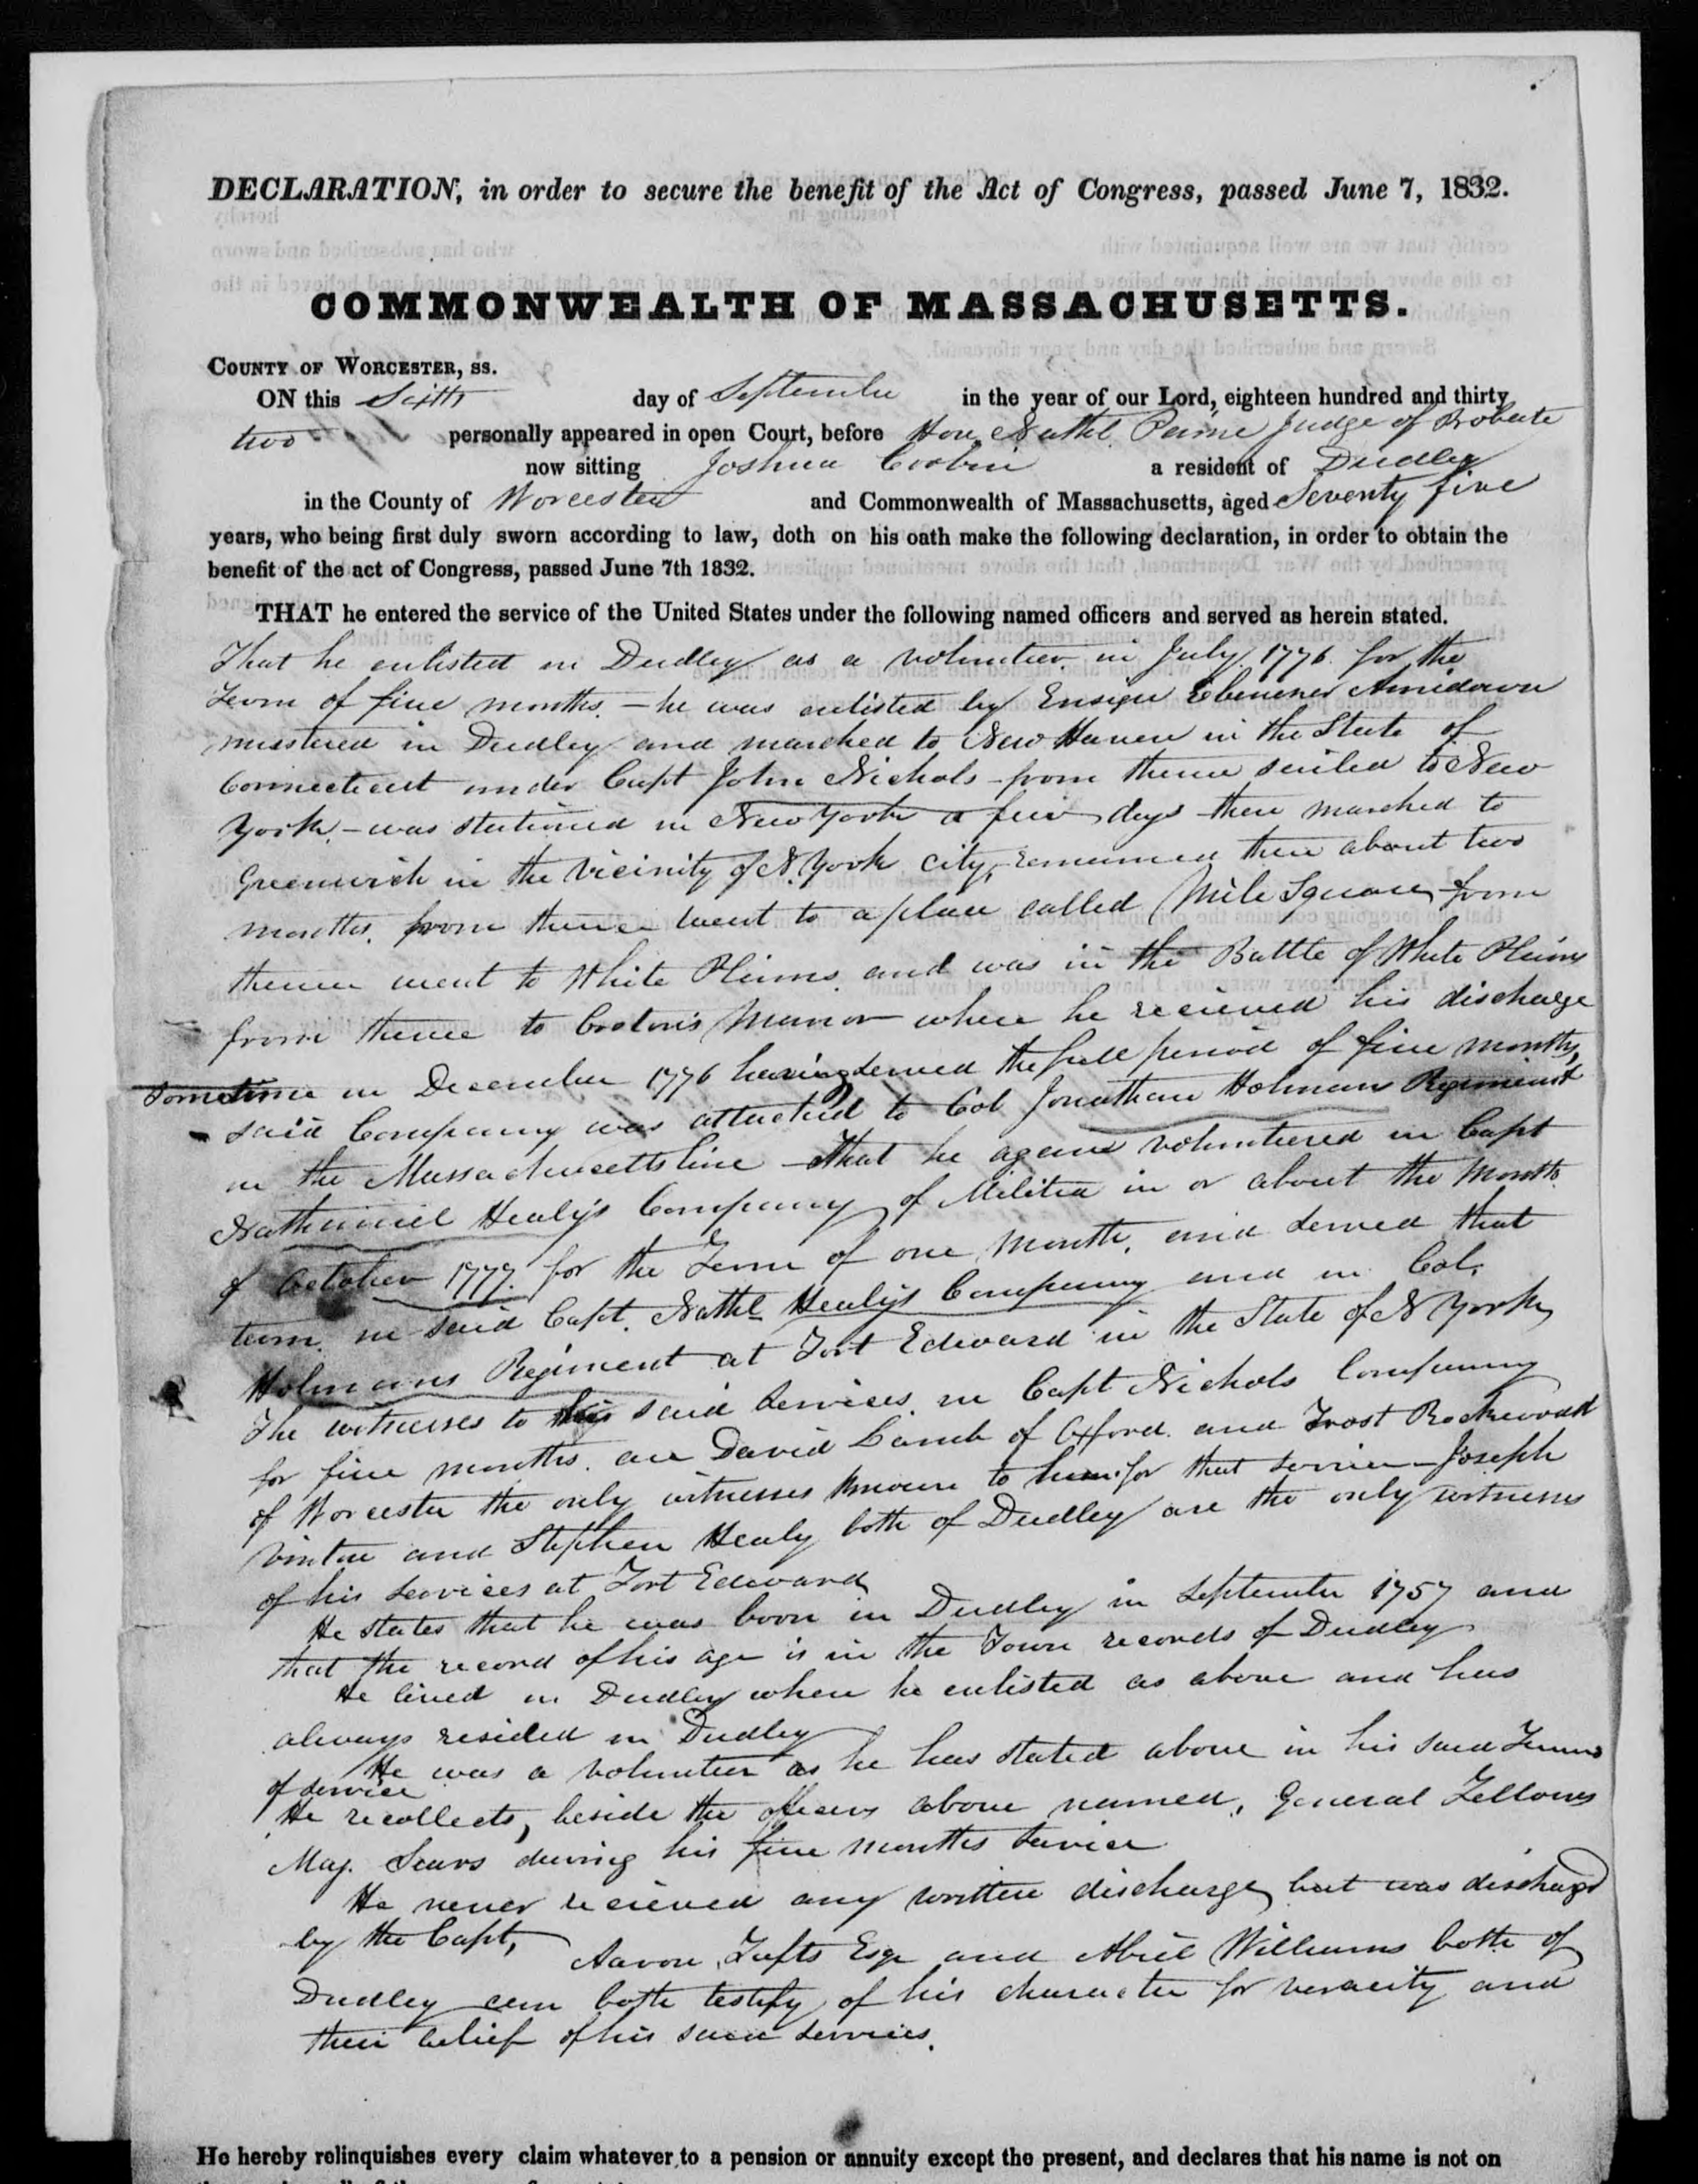COMMONWEALTH OF MASSACHUSETTS

County of Worcester, SS. ON this fifth day of September in the year of our Lord, eighteen hundred and thirty two personally appeared in open Court, before Hon. Nathaniel Paine, Judge of Probate in the County of Worcester and Commonwealth of Massachusetts, aged Seventy Five years, who being first duly sworn according to law, doth on his oath make the following declaration in order to obtain the benefit that the act of Congress, passed June 7, 1832.
THAT he entered the service of the United States under the following named officers and served as herein stated. Thhttps://catalog.archives.gov/images/misc/drag.pngat he enlisted in Dudley as a volunteer in July 1776 for the term of five months. - he was enlisted by (illegible) Ebenezer A. musterer in Dudley and researcher to S. Hanece (spelling?) in the state of Connecticut under Capt John Nichols - from there sailed to New York - was stationed in New York a few days there marched to Greenwich in the vicinity of New York City remaining there about two months from there went to a place called Mile Square from there went to White Plains and was in the Butte of White Plains from there to (illegible starts with G) Manor where he received his discharge notice in December 1776 having served the full period of five months said Company was attached to Col Jonathan Holman (illegible) in the Massachusetts line that he again volunteered in Capt Nathaniel Healy's Company of Militia in or about the month of October 1777 for the term of one month and served that term in said Capt. Nathaniel Healy's Company served in Col Holman's Regiment at Fort Edward in the state of New York. The (illegible) to said services in Captain Nichols Company for five months and David (Illegible starts with La) of Oxford and Frost Rockwood of Worcester the only witnesses known to have for that service Joseph Braintree and Stephen Healy both of Dudley are the only witnesses of his services at Fort Edward. 
He states that he was born in Dudley in September 1757 and that the record of his age is in the town records of Dudley
He lived in Dudley when he enlisted as above and has always resided in Dudley
He was a volunteer as he has stated above in his said years of service. 
He recollects, beside the officers above served, General Fellows, Maj Sears during his five months service. 
He never received any (illegible) discharge but was discharged by the Capt.

Aaron Tufts Esq and Abiel Williams both of Dudley can both testify of his character for veracity and their belief of his said services. 

He hereby relinquishes every claim whatever to a pension or annuity except the present, and declares that his name is not on (end of document)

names: Stephen Healy, Abiel Williams, Frost Rockwood, Ebenezer Amidown, Aaron Tufts, Fellows, John Nichols, Joshua Corbin, Nathl Paine, Joseph Vinton, Sears, David Lamb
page: 3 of 34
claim: survivor's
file: S. 12581, Joshua Corbin, Mass.